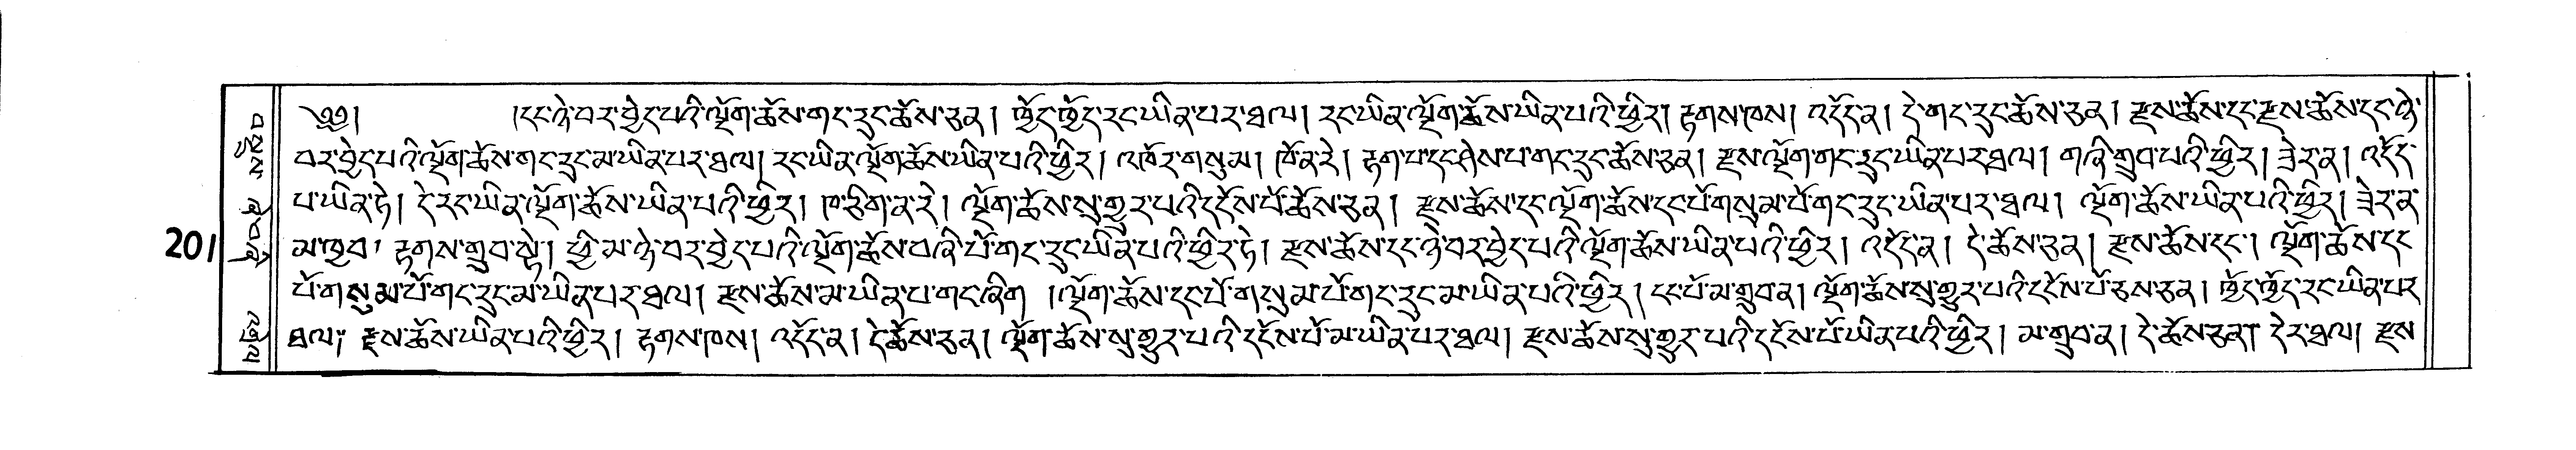༄༅། །དང་ཉེ་བར་བྱེད་པའི་ལྡོག་ཆོས་གང་རུང་ཆོས་ཅན། ཁྱོད་ཁྱོད་རང་ཡིན་པར་ཐལ། རང་ཡིན་ལྡོག་ཆོས་ཡིན་པའི་ཕྱིར། རྟགས་ཁས། འདོད་ན། དེ་གང་རུང་ཆོས་ཅན། རྫས་ཆོས་དང་རྫས་ཆོས་དང་ཉེ་
བར་བྱེད་པའི་ལྡོག་ཆོས་གང་རུང་མ་ཡིན་པར་ཐལ། རང་ཡིན་ལྡོག་ཆོས་ཡིན་པའི་ཕྱིར། འཁོར་གསུམ། ཁོ་ན་རེ། རྟག་པ་དང་ཤེས་པ་གང་རུང་ཆོས་ཅན། རྫས་ལྡོག་གང་རུང་ཡིན་པར་ཐལ། གཞི་གྲུབ་པའི་ཕྱིར། ཟེར་ན། འདོད་
པ་ཡིན་ཏེ། དེ་རང་ཡིན་ལྡོག་ཆོས་ཡིན་པའི་ཕྱིར། ཁ་ཅིག་ན་རེ། ལྡོག་ཆོས་སུ་གྱུར་པའི་དངོས་པོ་ཆོས་ཅན། རྫས་ཆོས་དང་ལྡོག་ཆོས་དང་པོ་གསུམ་པོ་གང་རུང་ཡིན་པར་ཐལ། ལྡོག་ཆོས་ཡིན་པའི་ཕྱིར། ཟེར་ན་
མ་ཁྱབ། རྟགས་གྲུབ་སྟེ། ཕྱི་མ་ཉེ་བར་བྱེད་པའི་ལྡོག་ཆོས་བཞི་པོ་གང་རུང་ཡིན་པའི་ཕྱིར་ཏེ། རྫས་ཆོས་དང་ཉེ་བར་བྱེད་པའི་ལྡོག་ཆོས་ཡིན་པའི་ཕྱིར། འདོད་ན། དེ་ཆོས་ཅན། རྫས་ཆོས་དང་། ལྡོག་ཆོས་དང་
པོ་གསུམ་པོ་གང་རུང་མ་ཡིན་པར་ཐལ། རྫས་ཆོས་མ་ཡིན་པ་གང་ཞིག །ལྡོག་ཆོས་དང་པོ་གསུམ་པོ་གང་རུང་མ་ཡིན་པའི་ཕྱིར། དང་པོ་མ་གྲུབ་ན། ལྡོག་ཆོས་སུ་གྱུར་པའི་དངོས་པོ་ཅས་ཅན། ཁྱོད་ཁྱོད་རང་ཡིན་པར་
ཐལ༑ རྫས་ཆོས་ཡིན་པའི་ཕྱིར། རྟགས་ཁས། འདོད་ན། དེ་ཆོས་ཅན། ལྡོག་ཆོས་སུ་གྱུར་པའི་དངོས་པོ་མ་ཡིན་པར་ཐལ། རྫས་ཆོས་སུ་གྱུར་པའི་དངོས་པོ་ཡིན་པའི་ཕྱིར། མ་གྲུབ་ན། དེ་ཆོས་ཅན། དེར་ཐལ། རྫས་